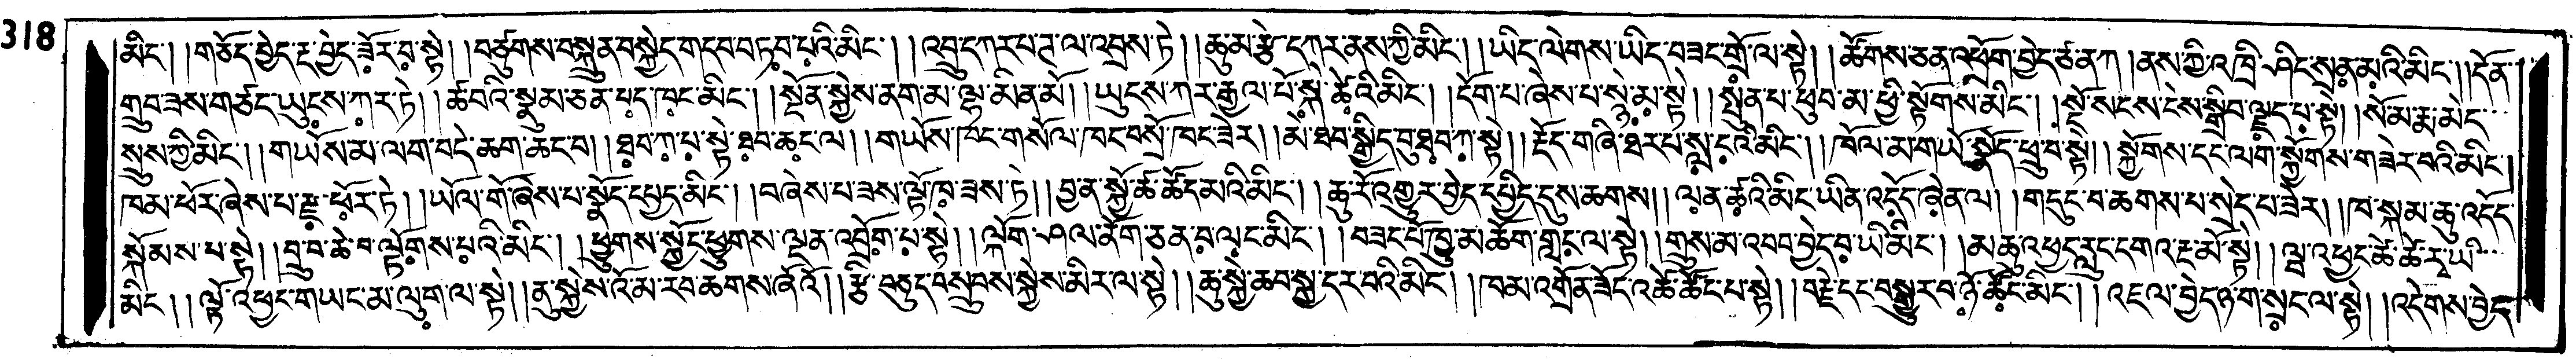མིང་། །གཅོད་བྱེད་རྡ་བྱེད་ཟོར་བ་སྟེ། །གཙུགས་བསྐྲུན་བསྐྱེད་གདབ་བཏབ་པའི་མིང་། །འབྲུ་དཀར་པྚ་ལ་འབྲས་ཏེ། །ཆུ་མ་རྩེ་བཀར་ནས་ཀྱི་མིང་། །ཡིད་ལེགས་ཡིད་བཟང་གྲོལ་སྟེ། །ཚོགས་ཅན་འཕྲོག་བྱེད་ཙན་ཀ། །ནས་ཀྱི་འཁྲི་ཤིང་སྲང་མིའི་མིང་། །དོན་
གྲུབ་ཟས་གཙང་ཡུགས་ཀར་ཏེ། །ཚ་བའི་སྣུང་མ་ཅན་པད་ཁང་མིང་། །སྔོན་སྐྱེས་ནག་མ་ལྷ་མིན་མོ། །ཡུངས་ཀར་རྒྱལ་པོ་སྐེ་ཚེའི་མིང་། །དོག་པ་ཞེས་བ་སྙེས་མ་སྟེ། །སྤུན་པ་ཕུབ་མ་ཕྱི་སྟོགས་མིང་། །སྔོ་སངས་ངེས་སྒྲིབ་ལྗད་པ་སྟེ། །སོམ་རྨ་མེད་
སྲུས་ཀྱི་མིང་། །གཡོས་མ་ལག་བདེ་ཆག་ཆང་བ། །ཐབ་ཀ་པ་སྟེ་ཐབ་ཆང་ལ། །གཡོས་ཁང་གསོལ་ཁང་སྦྲོས་ཁར་ཟེར། །མ་ཐབ་སྒྱིད་བུ་ཐབ་ཀ་སྟེ། །རྡོད་གཞི་ཐར་པ་སླ་ངའི་མིང་། །ཁོལ་མ་གཡོ་སྣོད་ཕྲུ་བ་སྟེ། །སྐྱོབས་དང་ལག་སྐྱོགས་གཟེར་བའི་མིང་།
ཁམ་ཕོར་ཞེས་པ་རྗ་ཕོར་ཏེ། །ཡོལ་གོ་ཞེས་པ་སྣོད་དཔྱད་མིང་། །བཞེས་པ་ཟས་ལྟོ་ཁ་ཟས་ཏེ། །བྱན་སྐྱོ་ཚ་ཚོད་མའི་མིང་། །ཆུ་རོ་འགྱུར་བྱེད་དབྱིད་དུས་ཆགས། །ལན་ཚའི་མིང་ཡིན་འདོད་ཞེན་ལ། །གདུང་བ་ཆགས་པ་སྲེད་བ་ཟེར། །ཁ་སྐུམ་ཆུ་འདོད་
སྐོམས་པ་སྟེ། །གྲུ་བ་ཆེ་བ་ལྟོགས་པའི་མིང་། །ཕྱུགས་ལྡན་འབྲོག་པ་སྟེ། །ལྐོག་ཤལ་ནོ་ག་ཅན་བ་ལང་མིང་། །བཟང་པོ་ཁྱ་མཆོག་གླང་ལ་སྟེ། །གྲུ་མ་འབབ་བྱེད་པ་ཡི་མིང་། །མ་ཆུ་འཕྱུང་རླུང་དགའ་འྲྡ་མོ་སྟེ། ལྦ་འཕྱང་ཚེ་ཚེ་རྭ་ཡི་
མིང་། །ལྟོ་འཕྱང་གཡང་མ་ལུག་ལ་སྟེ། །ནུ་སྐྱེས་འོ་མ་རབ་ཆགས་ཞོའོ། །རྩི་བཅུད་བསྲུབས་སྐྱེས་མིར་ལ་སྟེ། །ཆུ་སྐྱེ་ཆབ་སྐྱ་དར་བའི་མིང་། །ཁམ་འགྲོ་ཟོང་འཚོ་ཚོང་བ་སྟེ། །བརྗེ་དང་བསྒྱུར་བ་ཉེ་ཚོང་མིང་། །འཇལ་བྱེད་ཉ་གསྲུང་ལ་སྟེ། འདོགས་བྑྱེད་